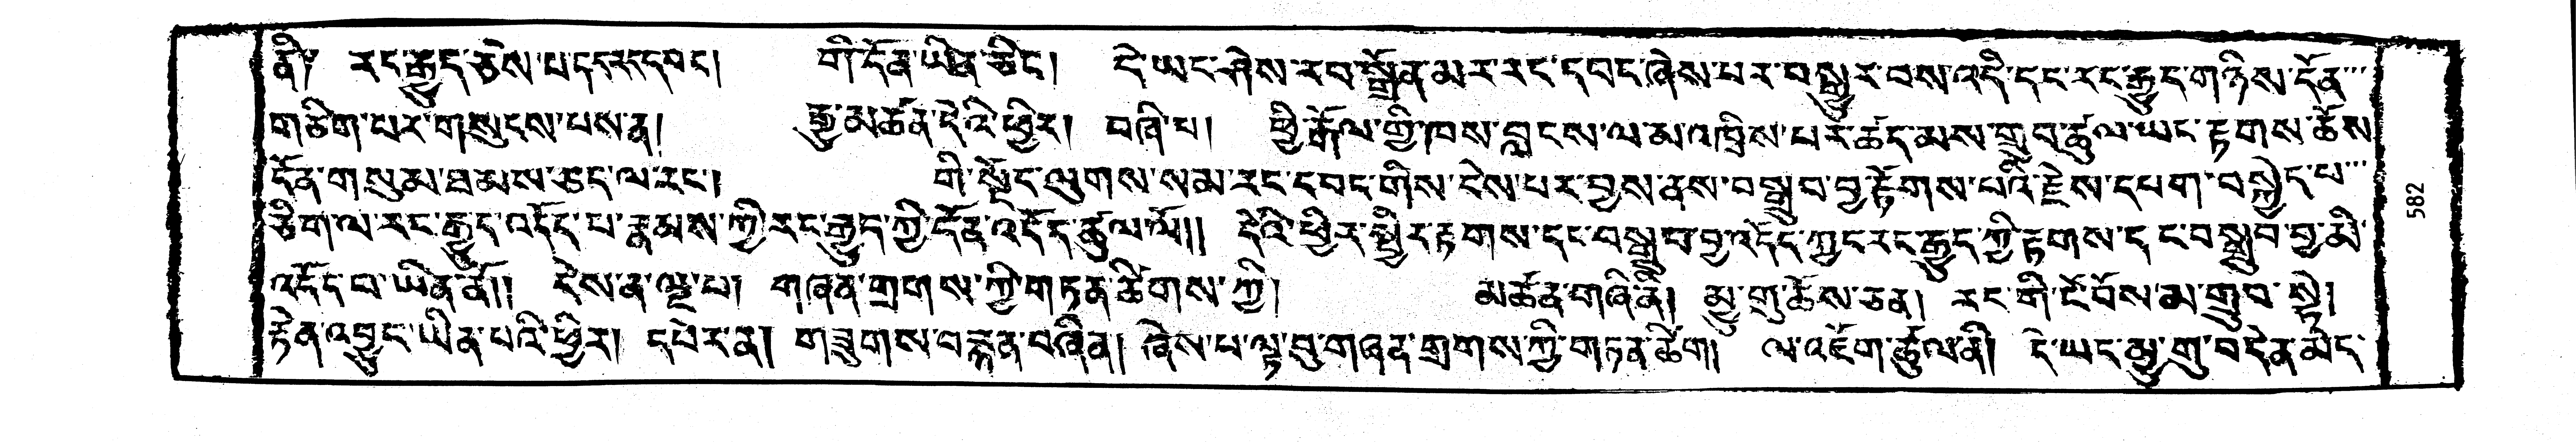ནི༑ རང་རྒྱུད་ཅེས་པ་དང་རང་དབང་། གི་དོན་ཡིན་ཅིང་། དེ་ཡང་ཤེས་རབ་སྒྲོན་མར་རང་དབང་ཞེས་པར་བསྒྱུར་བས་འདི་དང་རང་རྒྱུད་གཉིས་དོན་
གཅིག་པར་གསུངས་པས་ན། རྒྱུ་མཚན་དེའི་ཕྱིར། བཞི་པ། ཕྱི་རྒོལ་གྱི་ཁས་བླངས་ལ་མ་འཁྲིས་པར་ཚད་མས་གྲུབ་ཚུལ་ཡང་རྟགས་ཆོས་
དོན་གསུམ་ཐམས་ཅད་ལ་རང་། གི་སྡོད་ལུགས་སམ་རང་དབང་གིས་ངེས་པར་བྱས་ནས་བསྒྲུབ་བྱ་རྟོགས་པའི་རྗེས་དཔག་བསྐྱེད་པ་
ཅིག་ལ་རང་རྒྱུད་འདོད་པ་རྣམས་ཀྱི་རང་རྒྱུད་ཀྱི་དོན་འདོད་ཚུལ་ལོ། །དེའི་ཕྱིར་སྤྱིར་རྟགས་དང་བསྒྲུབ་བྱ་འདོད་ཀྱང་རང་རྒྱུད་ཀྱི་རྟགས་དང་བསྒྲུབ་བྱ་མི་
འདོད་པ་ཡིན་ནོ། །དེས་ན་ལྔ་པ། གཞན་གྲགས་ཀྱི་གཏན་ཚིགས་ཀྱི། མཚན་གཞི་ནི། མྱུ་གུ་ཆོས་ཅན། རང་གི་ངོ་བོས་མ་གྲུབ་སྟེ།
རྟེན་འབྱུང་ཡིན་པའི་ཕྱིར། དཔེར་ན། གཟུགས་བརྙན་བཞིན། ཞེས་པ་ལྟ་བུ་གཞན་གྲགས་ཀྱི་གཏན་ཚིག། ལ་འཇོག་ཚུལ་ནི། དེ་ཡང་མྱུ་གུ་བདེན་མེད་